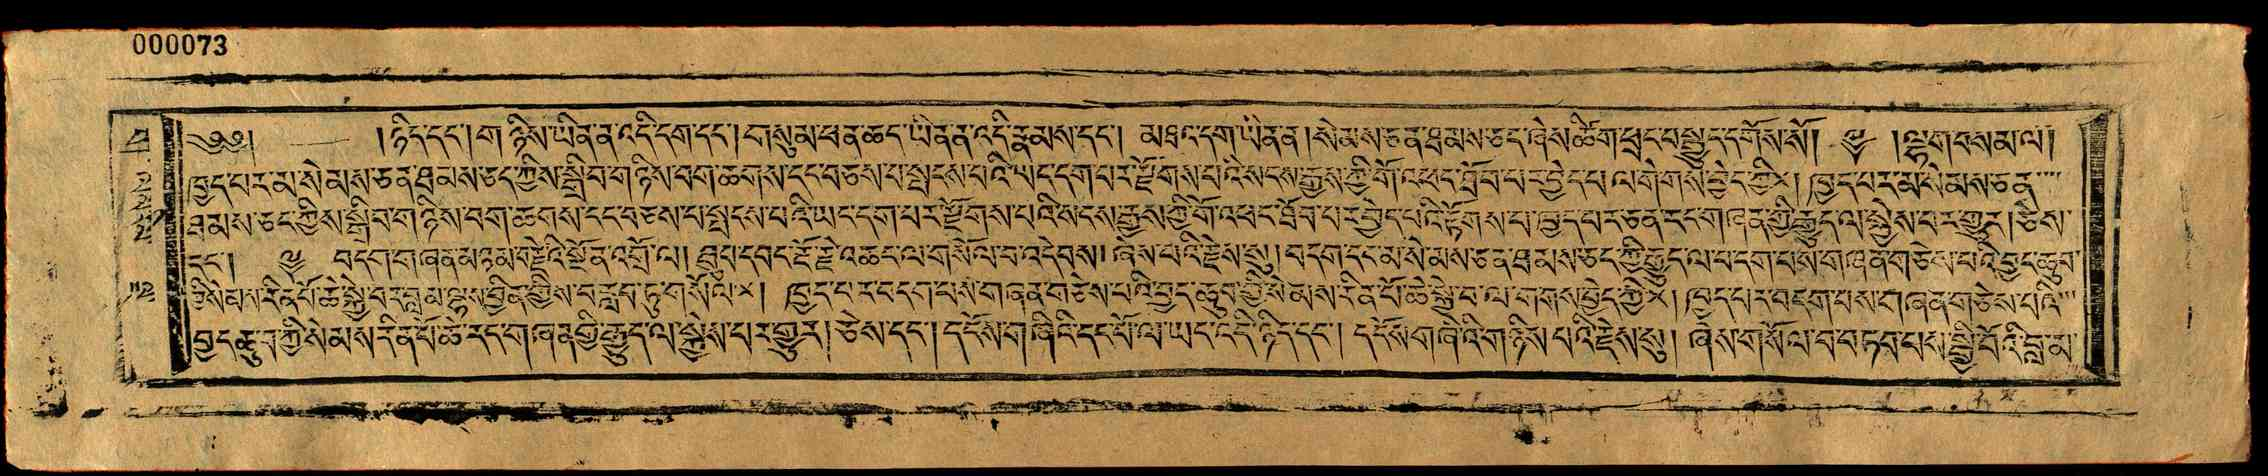༄༅། །ཉིད་དང་། །གཉིས་ཡིན་ན་འདི་དག་དང་། གསུམ་ཕན་ཆད་ཡིན་ན་འདི་རྣམས་དང་། མཐའ་དག་ཡིན་ན། སེམས་ཅན་ཐམས་ཅད་ཞེས་ཚིག་ཕྲད་བསྒྱུར་དགོས་སོ། །ལྷག་བསམ་ལ།
ཁྱད་པར་མ་སེམས་ཅན་ཐམས་ཅད་ཀྱིས་སྒྲིབ་གཉིས་བག་ཆགས་དང་བཅས་པ་སྤངས་པའི་ཡང་དག་པར་རྫོགས་པའི་སངས་རྒྱས་ཀྱི་གོ་འཕང་ཐོབ་པར་བྱེད་པ་ལ་གེགས་བྱེད་ཀྱི་྾། ཁྱད་པར་མ་སེམས་ཅན་
ཐམས་ཅད་ཀྱིས་སྒྲིབ་གཉིས་བག་ཆགས་དང་བཅས་པ་སྤངས་པའི་ཡང་དག་པར་རྫོགས་པའི་སངས་རྒྱས་ཀྱི་གོ་འཕང་ཐོབ་པར་བྱེད་པའི་རྟོགས་པ་ཁྱད་པར་ཅན་རང་གཞན་གྱི་རྒྱུད་ལ་སྐྱེས་པར་གྱུར། ཅེས་
དང་། ༈ བདག་གཞན་མཉམ་བརྗེའི་སྔོན་འགྲོ་ལ། ཐུབ་དབང་རྡོ་རྗེ་འཆང་ལ་གསོལ་བ་འདེབས། ཞེས་པའི་རྗེས་སུ། བདག་དང་མ་སེམས་ཅན་ཐམས་ཅད་ཀྱི་རྒྱུད་ལ་བདག་པས་གཞན་གཅེས་པའི་བྱང་ཆུབ་
ཀྱི་སེམས་རིན་པོ་ཆེ་སྐྱེ་བར་བླ་མ་ལྷས་བྱིན་གྱིས་བརླབ་ཏུ་གསོལ་྾། ཁྱད་པར་བདག་པས་གཞན་གཅེས་པའི་བྱང་ཆུབ་ཀྱི་སེམས་རིན་པོ་ཆེ་སྐྱེ་བ་ལ་གེགས་བྱེད་ཀྱི་྾། ཁྱད་པར་བདག་པས་གཞན་གཅེས་པའི་
བྱང་ཆུབ་ཀྱི་སེམས་རིན་པོ་ཆེ་རང་གཞན་གྱི་རྒྱུད་ལ་སྐྱེས་པར་གྱུར། ཅེས་དང་། དངོས་གཞིའི་དང་པོ་ལ་ཡང་འདི་ཉིད་དང་། དངོས་གཞིའི་གཉིས་པའི་རྗེས་སུ། ཞེས་གསོལ་བ་བཏབ་པས་སྤྱི་བོའི་བླ་མ་